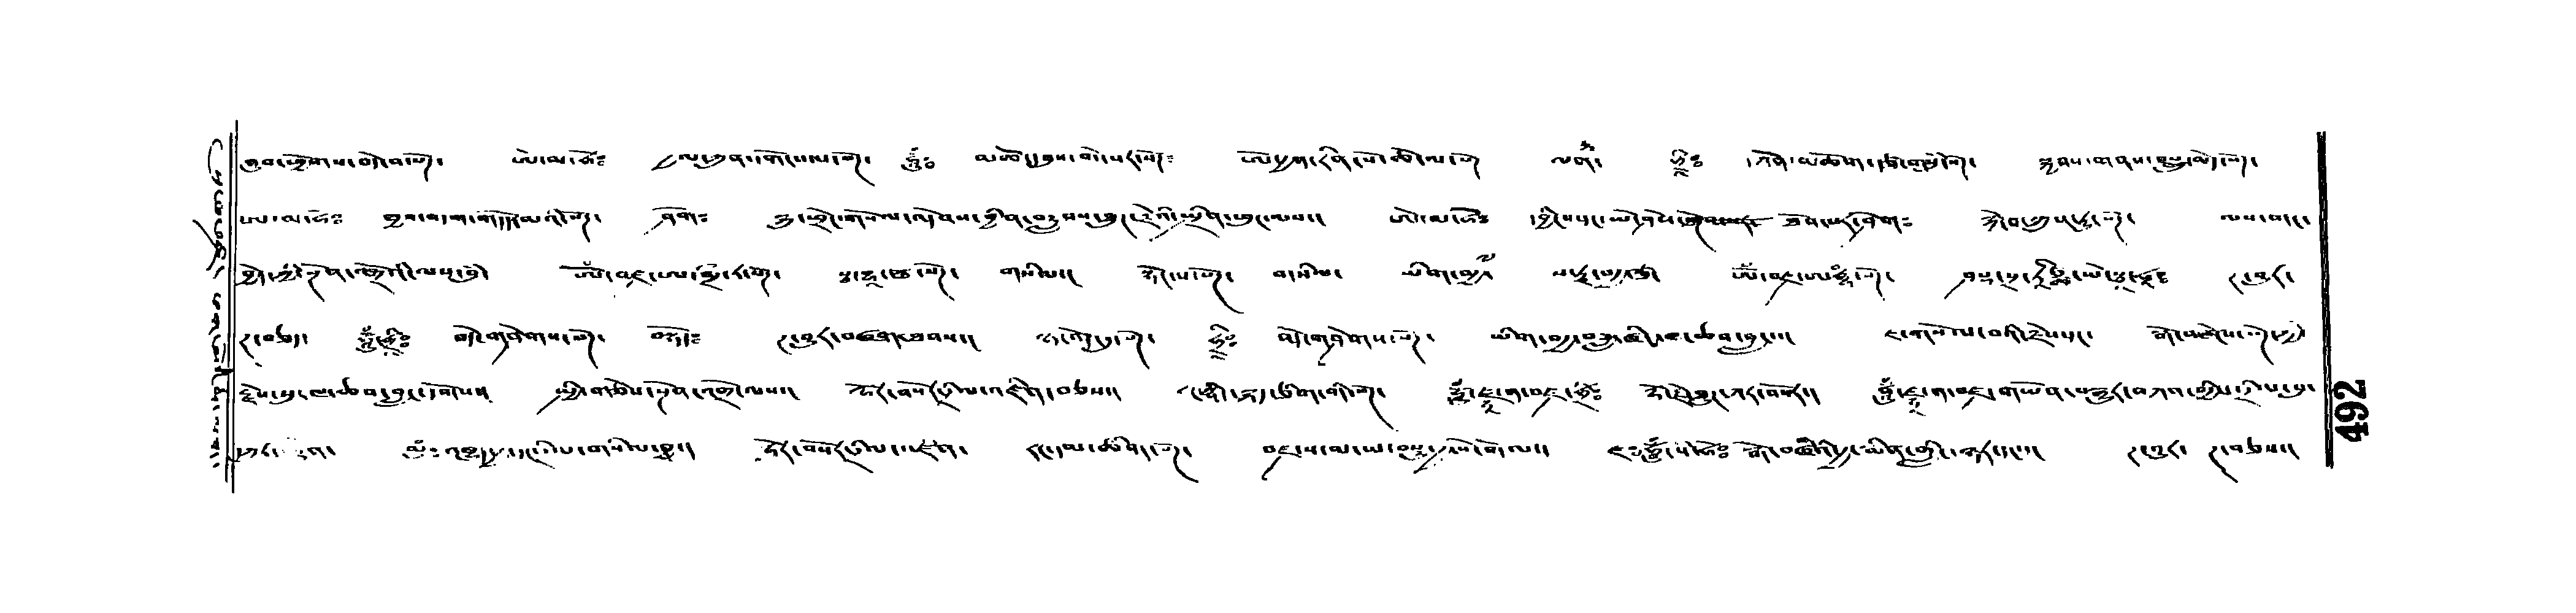ནུབ་ཕྱོགས་བདེ་བ་སོགས། ཨེ་མ་ཧོཿ རྒྱལ་ཀུན་དགོངས་པ་སོགས། ཧཱུྃ༔ མཚོ་དབུས་གེ་སར་སོགས། ཨོ་རྒྱན་རིན་པོ་ཆེ་ལ་སོགས། ལན་གསུམ། ཧྲཱིཿ དཀོན་མཆོག་རྩ་གསུམ་སོགས། སྐྱབས་གནས་བསླུ་མེད་སོགས། 
ཨེ་མ་ཧོཿ ཁྱབ་བདག་གདོད་མའི་སོགས། ཤོགཿ སྐུ་ཕྲེང་གསོལ་འདེབས་བྱིན་བརླབས་ཐུགས་རྗེའི་སྤྲིན་ཕུང་ལས། ཨེ་མ་ཧོཿ དབྱིངས་དང་ཡེ་ཤེས་སོགས། ཐོབ་པར་ཤོག༔ སྐྱེ་བ་ཀུན་ཏུ་སོགས། ལས་གང་
བྱེད་ཀྱི་སྔོན་འགྲོའི་ལས་བུམ། ཨོཾ་བཛྲ་ཨ་མྲྀ་ཏ་སོགས། སྭ་བྷཱ་ཝ་སོགས། གསིལ། སྟོང་པ་སོགས། གསིལ། ཡིག་བརྒྱ་བདུན། ས་ཏྭ་བརྒྱ་རྩ། ས ཨོཾ་བཛྲ་ཨརྒྷཾ་སོགས། ཤབྡ་པྲ་ཏཱིཙྪ་ཡེ་སྭཱ་ཧཱཿ ཌཱ་འུར། 
ཌཱ་བཅད། ཧཱུྃ་ཧྲཱིཿ བདེ་གཤེགས་སོགས། བསྟོད༔ ཌཱ་འུར་བཟུང་ཐབས། ལྷ་འོད་དུ་སོགས། ཧྲཱིཿ བདེ་གཤེགས་སོགས། ཡིག་བརྒྱ་བཟླ་ཞིང་ཁ་ཆབ་བླངས། ཇ་གསོལ་བའི་རྗེས་དང་། སྒོ་བཞེངས་སོགས་ཀྱི་
རྗེས་སུ་ཁ་ཆབ་བླང་དགོས། སྤྱི་གཅེས་སྔོན་འགྲོ་ལས། རྡོར་གསོར་དྲིལ་འཛིན་བཅས། རང་ཉིད་སྐད་ཅིག་གི་སོགས། ཧཱུྃ་ཛྙཱ་ན་བཛྲ་ཧྲིཿ རྡོ་རྗེ་ཐུགས་ཀར་གསོར། ཧཱུྃ་ཛྙཱ་ན་བཛྲ་གཡོན་བསྒྱུར་བཀན་གྱིས་དྲིལ་བུ་
དཀུར་བསྟེན། མུཾཿའཁྱུད་རྒྱ་དང་དྲིལ་གསིལ་བྱ། རྡོར་གསོར་དྲིལ་འཛིན། རང་དམ་ཚིག་སོགས། ས བཛྲ་ས་མ་ཡ་བསྡུ་རྒྱ་སེ་གོལ། ས ཛཿཧཱུྃ་བཾ་ཧོཿ སྒོ་བཞིའི་རྒྱ་སྨིན་གླིང་ལྟར་དང་། ཌཱ་འུར། ཌཱ་བཅས་